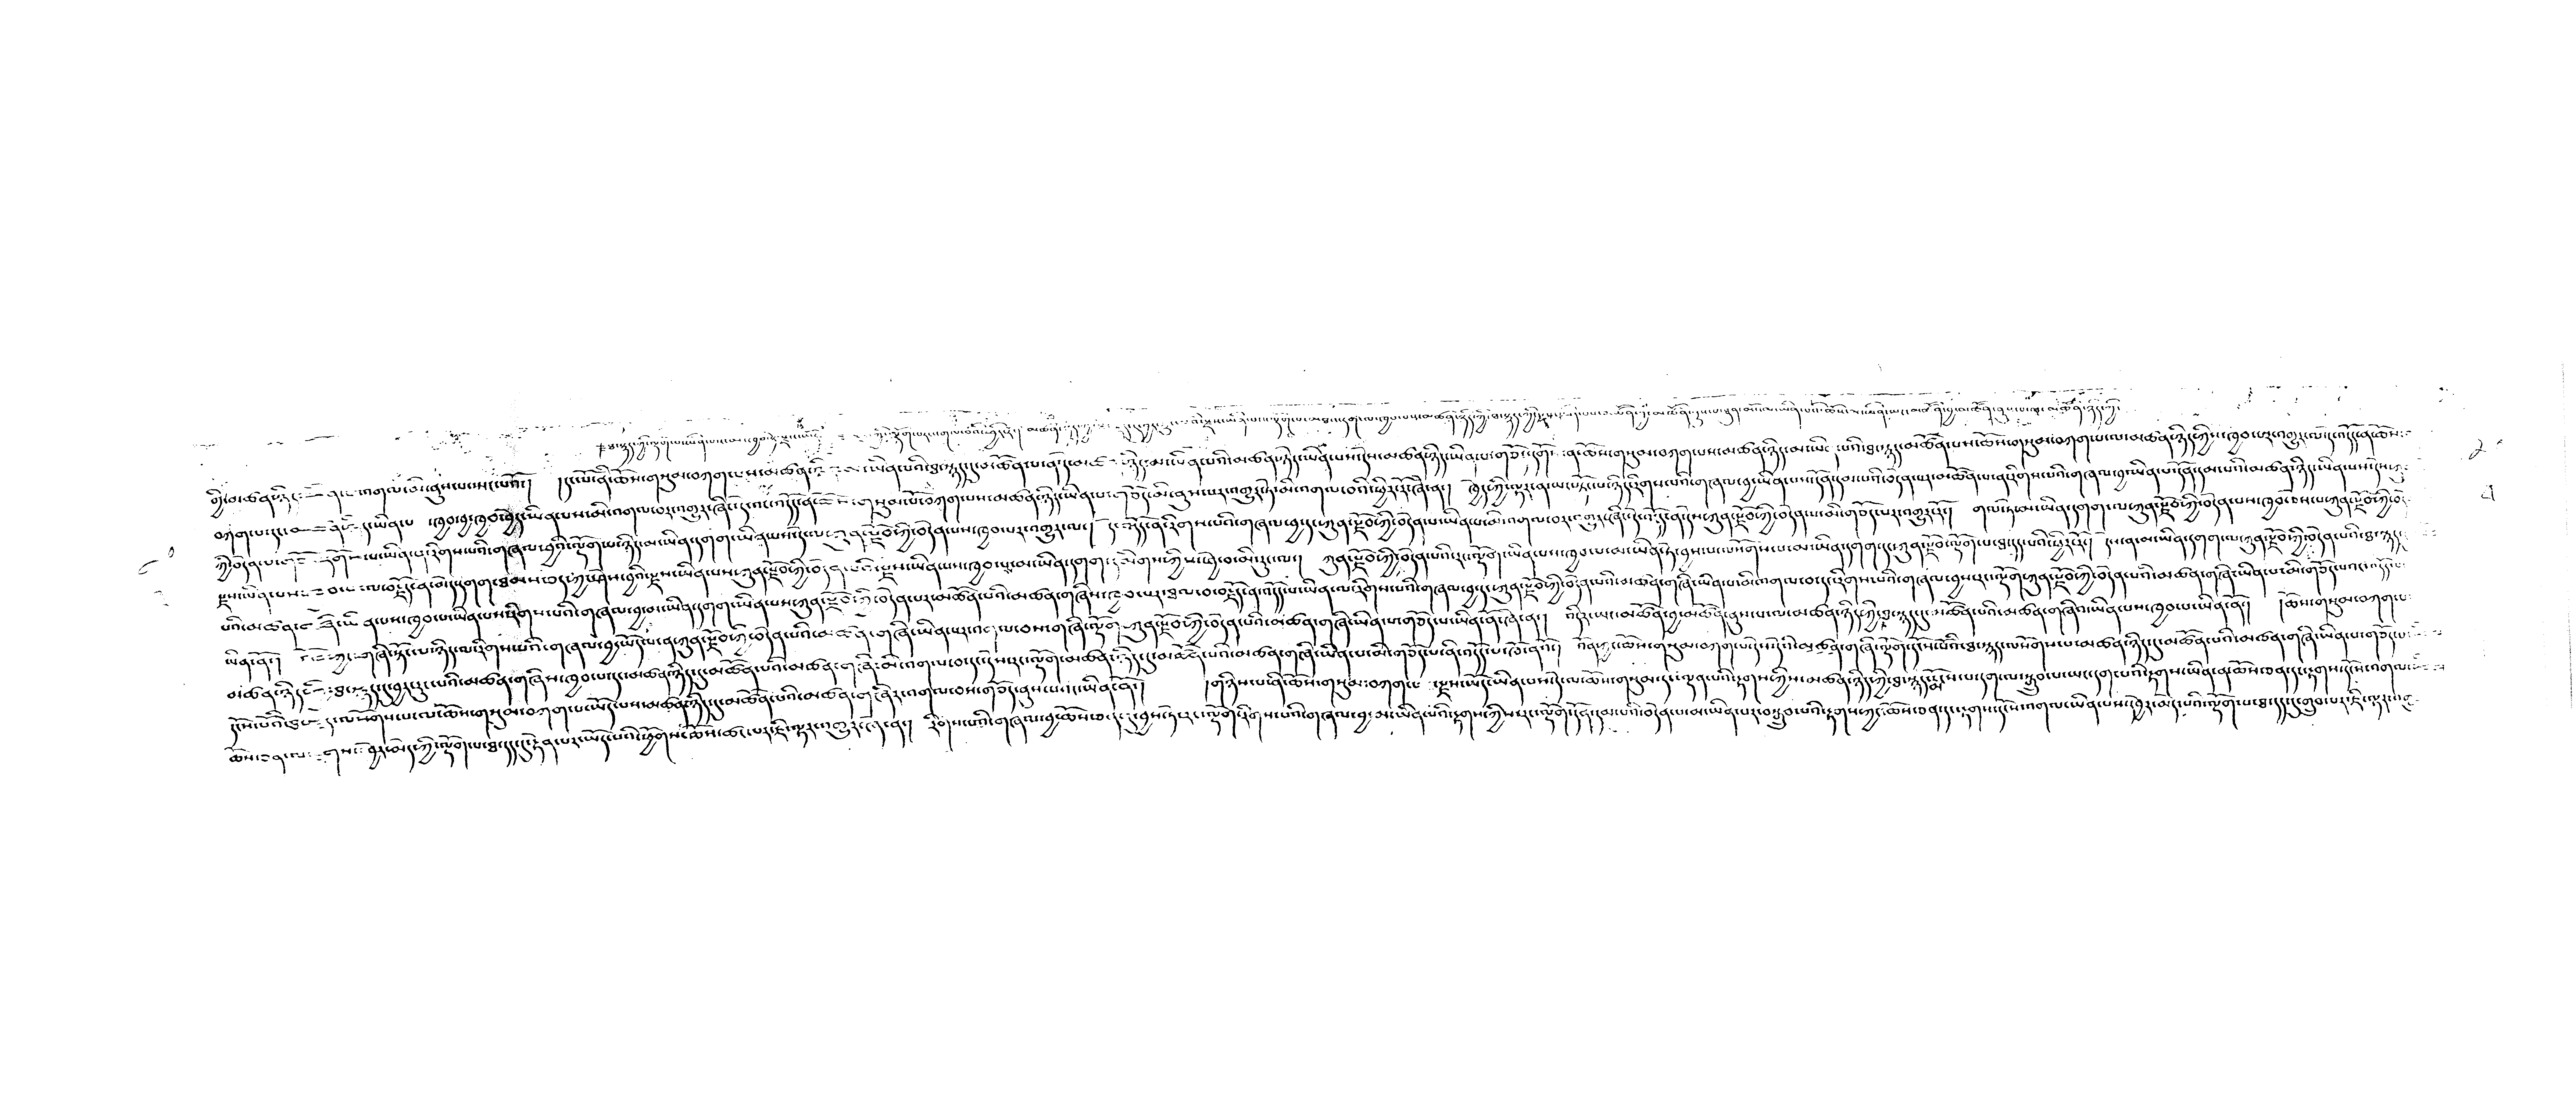གྱི་མཚན་ཉིད་ཚོན་པ་འགལ་མི་ནུས་པ་སྤང་པའོ། །དང་པོ་ནི་ཆོས་གསུམ་བཀག་པས་མཚན་ཉིད་མ་ཡིན་པའི་ཐ་སྙད་དུ་མཚོན་པ་ན་དེ་མཚན་ཉིད་མ་ཡིན་པའི་མཚན་ཉིད་ཡིན་པས་དེས་མཚན་ཉིད་ཡིན་པ་གཅོད་དགོས་ན་ཆོས་གསུམ་བཀག་པས་མཚན་ཉིད་མ་ཡིན་པའི་ཐ་སྙད་མཚོན་པས་ཆོས་གསུམ་བཀག་པ་ལ་མཚན་ཉིད་ཀྱིས་ཁྱབ་པར་འགྱུར་ལ་དེ་འདོད་ན་ཆོས་
བཀག་པ་དང་མཚན་ཉིད་ཡིན་པ་ཁྱབ་བྱ་ཁྱབ་བྱེད་ཡིན་པས་མི་འགལ་བར་འགྱུར་ཞིང་དེ་འང་འདོད་ན་ཆོས་གསུམ་པོ་བཀག་པས་མཚན་ཉིད་ཡིན་པ་གཅོད་མི་ནུས་པར་འགྱུར་ཏེ་མི་འགལ་བའི་ཕྱིར་རོ་ཞེ་ན། ཁྱེད་ཀྱི་ལྟར་ན་ཡང་སྟོང་པ་ཉིད་རིགས་པའི་གཞལ་བྱ་ཡིན་པས་དོན་དམ་པའི་བདེན་པར་མཚོན་པ་ན་རིགས་པའི་གཞལ་བྱ་ཡིན་པ་དོན་དམ་པའི་མཚན་ཉིད་ཡིན་པས་དེས་ཀུན་
ཀྱི་བདེན་པ་གཅོས་དགོས་པ་ཡིན་ན་རིགས་པའི་གཞལ་བྱའི་ལྡོག་པ་ཉིད་མ་ཡིན་དགག་ཡིན་པས་དེ་ལ་ཀུན་རྫོབ་ཀྱི་བདེན་པས་ཁྱབ་པར་འགྱུར་ལ། དེ་འདོད་ན་རིགས་པའི་གཞལ་བྱ་དང་ཀུན་རྫོབ་ཀྱི་བདེན་པ་ཡིན་པ་མི་འགལ་བར་འགྱུར་ཞིང་དེ་འདོད་ན་དེས་ཀུན་རྫོབ་ཀྱི་བདེན་པ་མི་གཅོད་པར་འགྱུར་རོ། གལ་ཏེ་མ་ཡིན་དགག་ལ་ཀུན་རྫོབ་ཀྱི་བདེན་པས་ཁྱབ་ཅེས་པ་ཀུན་རྫོབ་ཀྱི་བདེན་
རྫས་ཡིན་པས་ཁྱབ་པ་ལ་བརྗོད་ན་མེད་དགག་ཐམས་ཅད་ཀྱང་ཤེས་བྱའི་རྫས་ཡིན་པས་ཀུན་རྫོབ་ཀྱི་བདེན་པའི་རྫས་ཡིན་པས་ཁྱབ་པས་མ་ཡིན་དགག་དམིགས་ཀྱིས་ཕྱེ་བ་མི་རུང་ལ། ཀུན་རྫོབ་ཀྱི་བདེན་པའི་རང་ལྡོག་ཡིན་པས་ཁྱབ་པ་མ་ཡིན་ཏེ་བྱས་པ་ལ་སོགས་པ་མ་ཡིན་དགག་དང་ཀུན་རྫོབ་ལྡོག་པ་ཐ་དད་པའི་ཕྱིར་རོ། དེས་ན་མ་ཡིན་དགག་ལ་ཀུན་རྫོབ་ཀྱི་བདེན་པའི་ཐ་སྙད་མཚོན་
པའི་མཚན་གཞི་ཡིན་པས་ཁྱབ་པ་ཡིན་པས་རིགས་པའི་གཞལ་བྱ་བ་ཡིན་དགག་ཡིན་པས་ཀུན་རྫོབ་ཀྱི་བདེན་པར་མཚོན་པའི་མཚན་གཞིས་ཁྱབ་པར་ཐལ་བ་བརྗོད་ན་འདོད་པ་ཡིན་ལ་རིགས་པའི་གཞལ་བྱ་དང་ཀུན་རྫོབ་ཀྱི་བདེན་པའི་མཚན་གཞི་ཡིན་པ་མི་འགལ་བ་དང་རིགས་པའི་གཞལ་བྱས་རང་ལྡོག་ཀུན་རྫོབ་ཀྱི་བདེན་པའི་མཚན་གཞི་ཡིན་པ་མི་གཅོད་པའང་འདོད་པ་
ཡིན་ནོ། འོན་ཀྱང་གཞི་སྟོང་པ་ཉིད་མ་རིགས་པའི་གཞལ་བྱ་ཡོད་པ་ན་ཀུན་རྫོབ་ཀྱི་བདེན་པའི་མཚན་གཞི་ཡིན་པར་འགལ་བས་གཞི་ལྡོག་ཀུན་རྫོབ་ཀྱི་བདེན་པའི་མཚན་གཞི་ཡིན་པ་གཅོད་པ་ཡིན་ནོ་ཞེ་ན། འདིར་ཡང་མཚོན་བྱ་མཚོན་ནུས་པ་ལ་མཚན་ཉིད་ཀྱི་ཐ་སྙད་དུ་མཚོན་པའི་མཚན་གཞིས་ཡིན་པས་ཁྱབ་པ་ཡིན་ནོ། །ཆོས་གསུམ་བཀག་པ་
མཚན་ཉིད་ཀྱི་ཐ་སྙད་དུ་བྱར་རུང་པའི་མཚན་གཞིས་ཁྱབ་པ་དང་མཚན་ཉིད་དུ་མཚོན་པའི་མཚན་གཞི་མི་འགལ་བ་དང་དེས་རང་ལྡོག་མཚན་ཉིད་དུ་མཚོན་པའི་མཚན་གཞི་ཡིན་པ་མི་གཅོད་པ་ནི་འདོད་པ་ཁོ་ནའོ། འོན་ཀྱང་ཆོས་གསུམ་བཀག་པ་དེས་དེའི་མཚན་གཞི་ལྡོག་དངོས་པོའི་ཐ་སྙད་ལ་སོགས་པ་མཚན་ཉིད་དུ་མཚོན་པའི་མཚན་གཞི་ཡིན་པ་གཅོད་པ་
དངོས་པོའི་ཐ་སྙད་ལ་སོགས་པ་ལ་ཆོས་གསུམ་བཀག་པ་ཡོད་པས་མཚན་ཉིད་དུ་མཚོན་པའི་མཚན་གཞིར་འགལ་བས་གཅོད་ནུས་པའང་ཡིན་ནོ། །གཉིས་པ་ནི་ཆོས་གསུམ་བཀག་པ་རྫས་ཡོད་ཡིན་པས་དེ་ལ་ཆོས་གསུམ་དང་ལྡན་པའི་རྟགས་ཀྱིས་མཚན་ཉིད་ཀྱི་ཐ་སྙད་རྨོངས་པ་དག་ལ་སྒྲུབ་པ་ཡང་དག་པའི་རྟགས་ཡིན་ན་ཆོས་ཅན་དང་རྟགས་དངོས་འགལ་ཡིན་པས།
ཆོས་ཅན་ལ་རྟགས་དབྱེར་མེད་ཀྱི་ལྡོག་པ་ཐ་དད་དུ་རྟེན་པར་ཡོད་པའི་ཕྱོགས་ཆོས་ཚང་པར་ཇི་ལྟར་འགྱུར་ཞེ་ན། རིགས་པའི་གཞལ་བྱ་ཆོས་ཅན་དུ་བྱས་ཏེ་རང་ལྡོག་རིགས་པའི་གཞལ་བྱ་མ་ཡིན་པའི་རྟགས་ཀྱིས་རང་ལྡོག་དོན་དམ་པའི་བདེན་པ་མ་ཡིན་པར་བསྒྲུབ་པའི་རྟགས་ཀྱང་ཆོས་ཅན་དང་རྟགས་དངོས་འགལ་ཡིན་པས་དབྱེར་མེད་པའི་ལྡོག་པ་ཐ་དད་དུ་གྲུབ་པར་ཇི་ལྟར་འགྱུར།